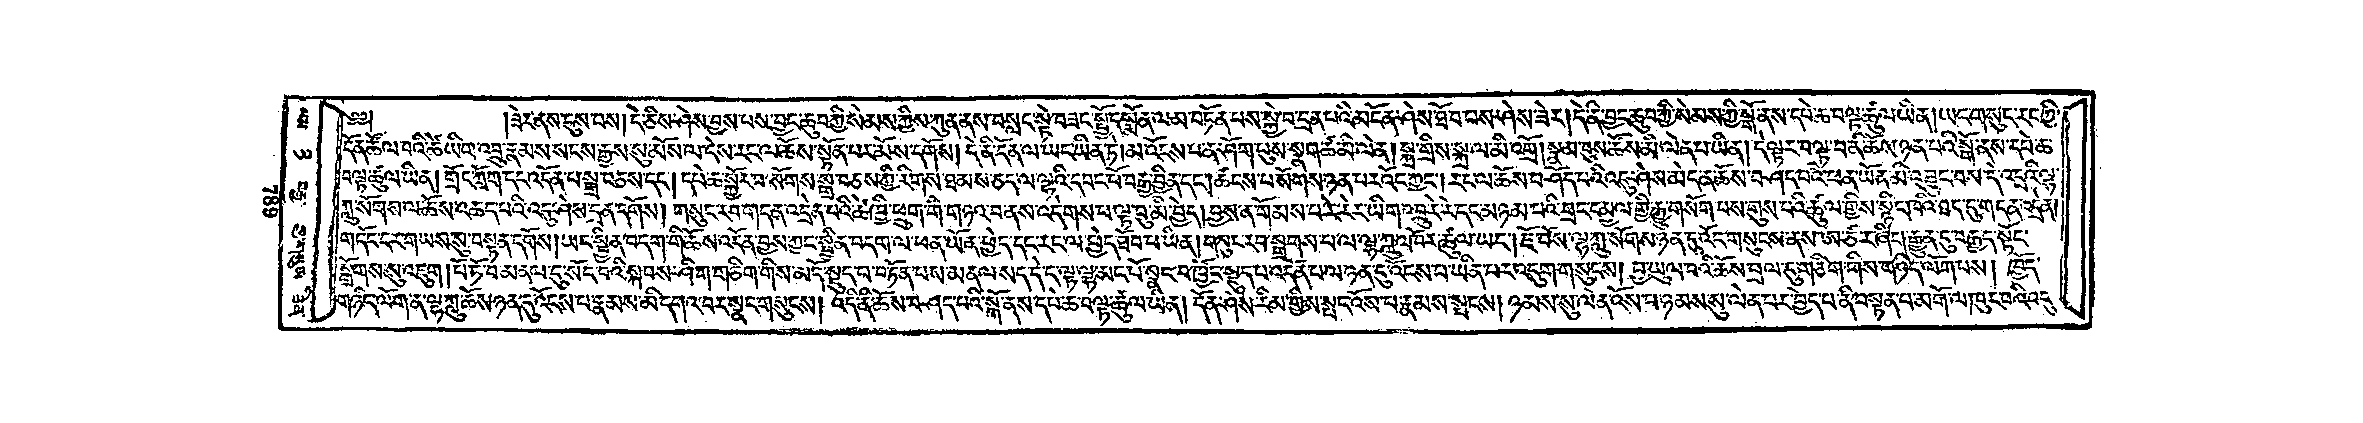༄༅། །ཟེར་ནས་དུས་པས། དེ་ཅིས་ཤེས་བྱས་པས་བྱང་ཆུབ་ཀྱི་སེམས་ཀྱིས་ཀུན་ནས་བསླང་སྟེ་བཟང་སྤྱོད་སྨོན་ལམ་བཏོན་པས་སྐྱེ་བ་དྲན་པའི་མངོན་ཤེས་ཐོབ་པས་ཤེས་ཟེར། དེ་ནི་བྱང་ཆུབ་ཀྱི་སེམས་ཀྱི་སྒོ་ནས་དཔེ་ཆ་བལྟ་ཚུལ་ཡིན། ཡང་གསུང་རབ་ཀྱི་
དོན་ཚོལ་བའི་ཚེ་ཡིག་འབྲུ་རྣམས་སངས་རྒྱས་སུ་མོས་ལ་དེས་རང་ལ་ཆོས་སྟོན་པར་མོས་དགོས། དེ་ནི་དོན་ལ་ཡང་ཡིན་ཏེ། མ་འོངས་པ་ན་ཤོག་པུས་སྣག་ཚ་མི་ལེན། སྐྲ་གྲིས་སྐྲ་ལ་མི་འགྲོ་།སྣམ་བུས་ཚོས་མི་ལེན་པ་ཡིན། དེ་ལྟར་བལྟ་བ་ནི་ཆོས་ཉན་པའི་སྒོ་ནས་དཔེ་ཆ་
བལྟ་ཚུལ་ཡིན། གྲོང་ཀློག་དང་འདོན་པ་སྒྲ་བཅས་དང་། དཔེ་ཆ་སྐྱོར་བ་སོགས་སྒྲ་བཅས་ཀྱི་རིགས་ཐམས་ཅད་ལ་ལྷའི་དབང་པོ་བརྒྱ་བྱིན་དང་། ཚངས་པ་སོགས་ཉན་པར་འོང་ཀྱང་། རང་ལ་ཆོས་བཤད་པའི་འདུ་ཤེས་མེད་ན་ཆོས་བཤད་པའི་ཕན་ཡོན་མི་འབྱུང་བས་དེ་འདྲའི་ལྷ་
ཀླུ་སོགས་ལ་ཆོས་འཆད་པའི་འདུ་ཤེས་དྲན་དགོས། གསུང་རབ་གདན་འདྲེན་པའི་ཚེ་ཁྱི་ཕྲུག་གི་གཉའ་བ་ནས་འདེགས་པ་ལྟ་བུ་མི་བྱེད། བྱས་ན་གོམས་པ་རེ་རེར་ཡིག་འབྲུ་རེ་རེ་དང་མཉམ་པའི་གྲང་དམྱལ་གྱི་རྒྱུ་གསོག་པས་གུས་པའི་ཚུལ་གྱིས་སྙིང་ཁའི་ཐད་དུ་གདན་འདྲེན།
གདོང་ངར་གཡས་སུ་བསྟན་དགོས། ཡང་སྦྱིན་བདག་གི་ཆོས་འདོན་བྱས་ཀྱང་སྦྱིན་བདག་ལ་ཕན་ཡོན་ཕྱེད་དང་རང་ལ་ཕྱེད་ཐོབ་པ་ཡིན། གསུང་རབ་སྒྲགས་པ་ལ་ལྷ་ཀླུ་འཁོར་ཚུལ་ཡང་། ཇོ་བོས་ལྷ་ཀླུ་སོགས་ཉན་དུ་འོང་གསུངས་ནས་ཨ་ཙར་ཞིང་། རྒྱུན་དུ་བརྒྱད་སྟོང་
སྒྲོགས་སུ་འཇུག །པོ་ཏོ་བ་མནལ་དུ་སོང་བའི་སྐབས་ཤིག་གཅིག་གིས་མདོ་སྡུད་པ་བཏོན་པས་མནལ་སད་དེ་ད་ལྟ་ལྷ་མང་པོ་སྣང་བ་ཁྱོད་སྡུད་པ་འདོན་པ་ལ་ཉན་དུ་འོངས་པ་ཡིན་པར་འདུག་གསུངས། བྱ་ཡུལ་བའི་ཆོས་བྲལ་དུ་གཅིག་གིས་གཉིད་ལོག་པས། ཁྱོད་
གཉིད་ལོག་ན་ལྷ་ཀླུ་ཆོས་ཉན་དུ་འོངས་པ་རྣམས་མི་དགའ་བར་སྣང་གསུངས། འདི་ནི་ཆོས་བཤད་པའི་སྒོ་ནས་དཔེ་ཆ་བལྟ་ཚུལ་ཡིན། དོན་ཤེས་རིམ་གྱིས་སྤང་འོས་པ་རྣམས་སྤངས། ཉམས་སུ་ལེན་འོས་པ་ཉམས་སུ་ལེན་པར་བྱེད་པ་ནི་བསྟན་པ་མགོ་ལ་ཁུར་བའི་འདུ་